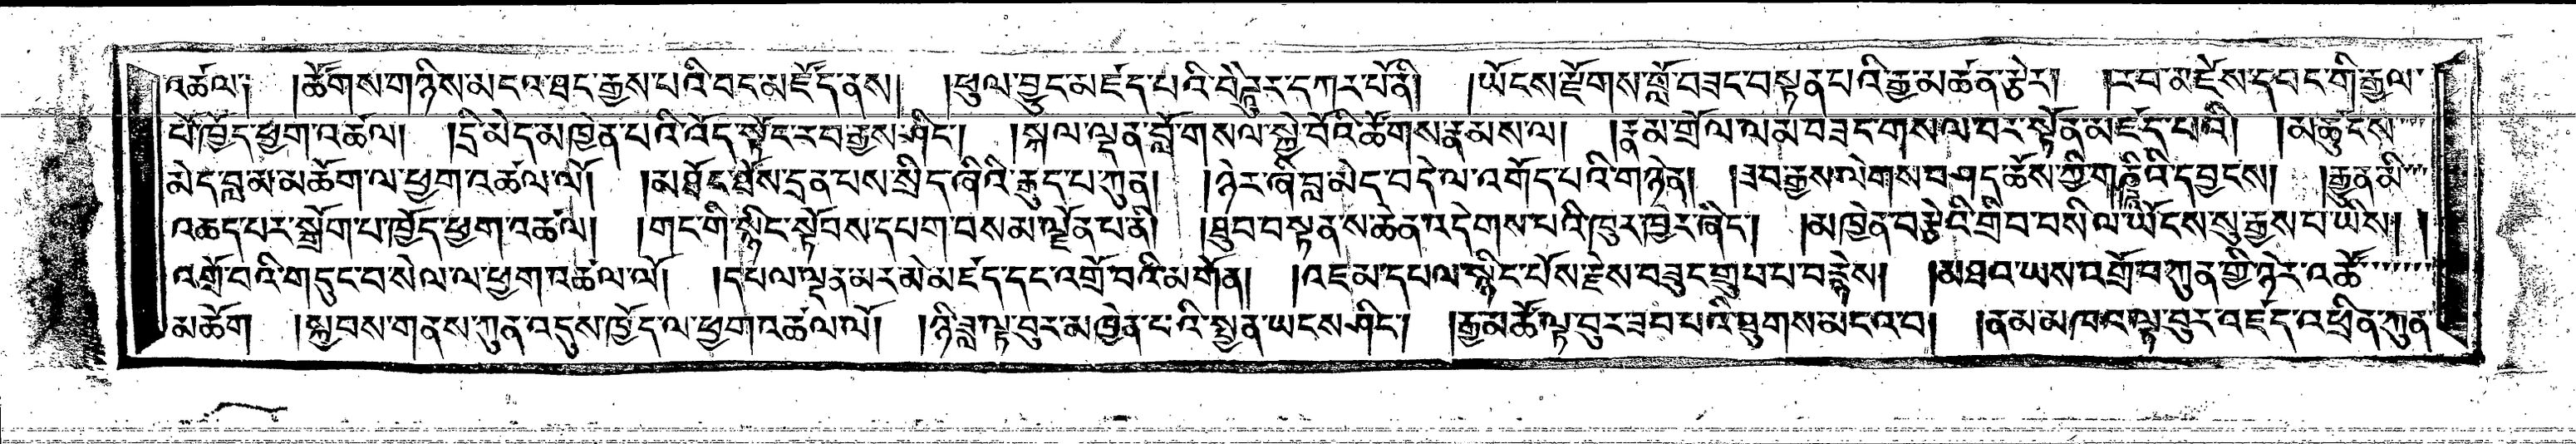འཚལ༑ །ཚོགས་གཉིས་མངའ་ཐང་རྒྱས་པའི་བང་མཛོད་ནས། །ཕུལ་བྱུང་མཛད་པའི་བཻཌཱུར་དཀར་པོ་ནི། །ཡོངས་རྫོགས་བློ་བཟང་བསྟན་པའི་རྒྱ་མཚན་རྩེར། །རབ་མཛེས་དབང་གི་རྒྱལ་
པོ་ཁྱོད་ཕྱག་འཚལ། །དྲི་མེད་མཁྱེན་པའི་འོད་སྟོང་རབ་རྒྱས་ཤིང་། །སྐལ་ལྡན་བློ་གསལ་སྐྱེ་བོའི་ཚོགས་རྣམས་ལ། །རྣམ་གྲོལ་ལམ་བཟང་གསལ་བར་སྟོན་མཛད་པའི། །མཚུངས་
མེད་བླ་མ་མཆོག་ལ་ཕྱག་འཚལ་ལོ། །མཐོང་ཐོས་དྲན་པས་སྲིད་ཞིའི་རྒུད་པ་ཀུན། །ཉེར་ཞི་བླ་མེད་བདེ་ལ་འགོད་པའི་གཉེན། །ཟབ་རྒྱས་ལེགས་བཤད་ཆོས་ཀྱི་གཎྜཱིའི་དབྱངས། །རྒྱུན་མི་
འཆད་པར་སྒྲོག་པ་ཁྱོད་ཕྱག་འཚལ། །གང་གི་སྙིང་སྟོབས་དཔག་བསམ་ལྗོན་པ་ནི། །ཐུབ་བསྟན་ས་ཆེན་འདེགས་པའི་ཁུར་ཁྱེར་ཞིང་། །མཁྱེན་བརྩེའི་གྲིབ་བསིལ་ཡོངས་སུ་རྒྱས་པ་ཡིས།
འགྲོ་བའི་གདུང་བ་སེལ་ལ་ཕྱག་འཚལ་ལོ། །དཔལ་ལྡན་མར་མེ་མཛད་དང་འགྲོ་བའི་མགོན། །འཇམ་དཔལ་སྙིང་པོས་རྗེས་བཟུང་གྲུབ་པ་བརྙེས། །མཐའ་ཡས་འགྲོ་བ་ཀུན་གྱི་ཉེར་འཚོ་
མཆོག །སྐྱབས་གནས་ཀུན་འདུས་ཁྱོད་ལ་ཕྱག་འཚལ་ལོ། །ཉི་ཟླ་ལྟ་བུར་མཁྱེན་པའི་སྤྱན་ཡང་ཤིང་། །རྒྱ་མཚོ་ལྟ་བུར་ཟབ་པའི་ཐུགས་མངའ་བ། །ནམ་མཁའ་ལྟ་བུར་འཛད་འཕྲིན་ཀུན་